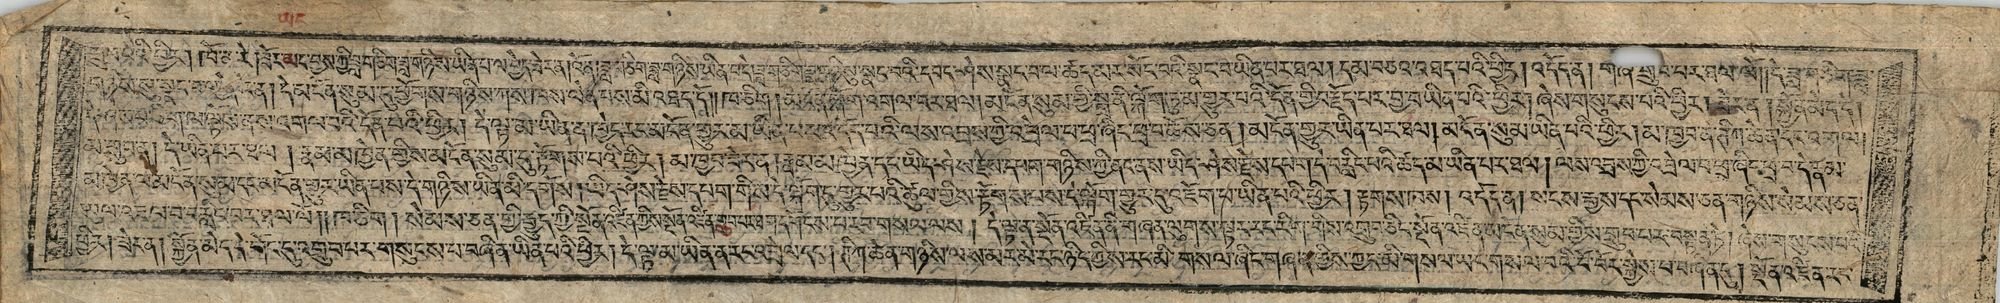གྲུབ་པའི་ཕྱིར། ཁོ་ན་རེ། ཟོརྱང་བྱས་ཀྱི་ཟླ་གཅིག་ཟླ་གཉིས་ཡིན་པ་ལ་བྱེད་ཟེར་ན། འོ་ན། ཟླ་གཅིག་ཟླ་གཉིས་ཡིན་བདེ། ཟླ་གཅིག་ཟླ་གཉིས་སུ་སྣང་བའི་དབང་ཤེས་སྣང་བ་ལ་ཚད་མར་སོང་བའི་སྣང་བ་ཡིན་པར་ཐལ། དམ་བཅའ་འཐད་པའི་ཕྱིར། འདོད་ན། གཞི་གྲུབ་པར་ཐལ་ལོ། །དེ་ཟླ་གཅིག་ཟླ་
གཉིས་སུ་སྣང་བ་ལ་བྱེད་ཟེར་ན། དེ་མངོན་སུམ་དུ་ཕྱོགས་གཉིས་ཀས་ཁས་ལེན་པས་མི་འཐད་དོ། །ཁ་ཅིག །མངོན་ལྐོག་འགལ་བར་ཐལ། མངོན་སུམ་གྱི་སྒྲ་ནི་ལྐོག་ཏུ་མ་གྱུར་བའི་དོན་གྱི་བརྗོད་པར་བྱ་བ་ཡིན་པའི་ཕྱིར། ཞེས་གསུངས་པའི་ཕྱིར། ཟེར་ན། སྐྱོན་མེད་དེ།
དེ་ཤེས་པ་ཅིག་ལ་ལྟོས་ནས་འགལ་བའི་དོན་པའི་ཕྱིར། དེ་ལྟ་མ་ཡིན་ན་ཁྱེད་རང་མངོན་གྱུར་མ་ཡིན་པར་འདོད་པའི་ལས་འབྲས་ཀྱི་འབྲེལ་པ་ཕྲ་ཞིང་ཕྲ་བ་ཆོས་ཅན། མངོན་གྱུར་ཡིན་པར་ཐལ། མངོན་སུམ་ཡིན་པའི་ཕྱིར། མ་ཁྱབ་ན་ཊིཀ་ཆེན་དང་འགལ།
མ་གྲུབ་ན། དེ་ཡིན་པར་ཐལ། རྣམ་མཁྱེན་གྱིས་མངོན་སུམ་དུ་རྟོགས་པའི་ཕྱིར། མ་ཁྱབ་ཟེར་ན། རྣམ་མཁྱེན་དང་ཡིད་ཤེས་རྗེས་དཔག་གཉིས་ཀྱི་ནང་ནས་ཡིད་ཤེས་རྗེས་དཔག་དེ་བརླིང་པའི་ཚད་མ་ཡིན་པར་ཐལ། ལས་འབྲས་ཀྱི་འབྲེལ་བ་ཕྲ་ཞིང་ཕྲ་བ་དེ་རྣམ་
མཁྱེན་ལ་མངོན་སུམ་དང་མངོན་གྱུར་ཡིན་པས་དེ་གཉིས་ཡིན་མི་དགོས། ཡིད་ཤེས་རྗེས་དཔག་གིས་དེ་ལྐོག་དུ་གྱུར་པའི་ཚུལ་གྱིས་རྟོགས་པས་དེ་ལྐོག་གྱུར་དུ་འཇོག་པ་ཡིན་པའི་ཕྱིར། རྟགས་ཁས། འདོད་ན། སངས་རྒྱས་དང་སེམས་ཅན་གཉིས་སེམས་ཅན་
ཡུལ་འཇལ་བ་བརླིང་བར་ཐལ་ལོ། །ཁ་ཅིག །སེམས་ཅན་གྱི་རྒྱུད་ཀྱི་སྔོན་འཛིན་གྱིས་སྔོན་འཛིན་གྲུབ་པར་ཐག་དགོངས་པ་རབ་གསལ་ལས། དེ་ལྟ་ན་སྔོན་འཛིན་ནི་གཞན་ལུགས་ལྟར་རང་རིག་གིས་འགྲུབ་ཅིང་སྔོན་འཛིན་མངོན་སུམ་གྱིས་གྲུབ་པར་བསྟན་ཏེ། ཞེས་གསུངས་པའི་
ཕྱིར། ཟེར་ན། སྐྱོན་མེད་དེ་གོང་དུ་འགྲུབ་པར་གསུངས་པ་བཞིན་ཡིན་པའི་ཕྱིར། དེ་ལྟ་མ་ཡིན་ན་རང་འགྲེལ་དང་། ཊིཀ་ཆེན་གཉིས་ལས་མར་མེ་རང་ཉིད་ཀྱིས་རང་མི་གསལ་ཞིང་གཞན་གྱིས་ཀྱང་མི་གསལ་ཡང་གསལ་བའི་ངོ་བོར་སྐྱེས་པ་བཞིན་དུ། སྔོན་འཛིན་རང་